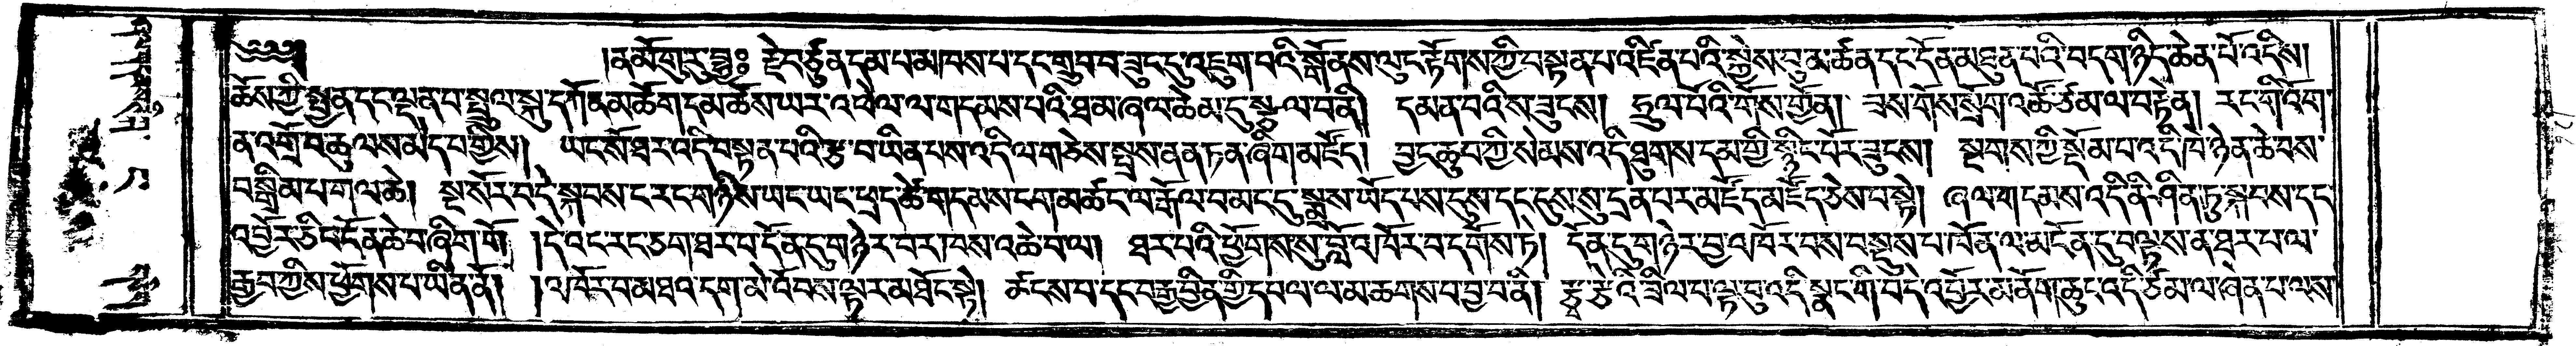༄༅༅། །ན་མོ་གུ་རུ་བྷྱཿ རྗེ་བཙུན་དམ་པ་མཁས་པ་དང་གྲུབ་པ་ཟུང་དུ་འཇུག་པའི་སྒོ་ནས་ལུང་རྟོགས་ཀྱི་བསྟན་པ་འཛིན་པའི་སྐྱེས་བུ་མཚན་དང་དོན་མཐུན་པའི་བདག་ཉིད་ཆེན་པོ་འདིས།
ཆོས་ཀྱི་སྤྱན་དང་ལྡན་པ་སྤྲུལ་སྐུ་དཀོན་མཆོག་དམ་ཆོས་ཡར་འཕེལ་ལ་གདམས་པའི་ཐ་མ་ཞལ་ཆེམ་དུ་སྩལ་བ་ནི། དམན་བའི་ས་ཟུངས། ཧྲུལ་པོའི་གོས་གྱོན། ཟས་གོས་སྲོག་འཚོ་ཙམ་ལ་བརྟེན། རང་གི་འོག་
ན་འགྲོ་བ་ཆུ་ལས་མེད་བ་གྱིས། ཡང་སོ་ཐར་འདི་བསྟན་པའི་རྩ་བ་ཡིན་པས་འདི་ལ་གཅེས་སྤྲས་ནན་ཏན་ཞིག་མཛོད། བྱང་ཆུབ་ཀྱི་སེམས་འདི་ཐུགས་དམ་གྱི་སྙིང་པོར་ཟུངས། སྔགས་ཀྱི་སྡོམ་པ་འདི་ཁེ་ཉེན་ཆེ་བས་
བསྒྲིམ་པ་གལ་ཆེ། སྔ་སོར་བདེ་སྐབས་ང་རང་གཉིས་ཡང་ཡང་ཕྲད་ཚེ་གདམས་ངག་མཚང་ལ་རྒོལ་བ་མང་དུ་སྨྲས་ཡོད་པས་དུས་དང་དུས་སུ་དྲན་པར་མཛོད་མཛོད་ཅེས་པ་སྟེ། ཞལ་གདམས་འདི་ནི་ཤིན་ཏུ་སྐབས་དང་
འབྱོར་ཅིང་དོན་ཆེ་བ་ཞིག་གོ །དེ་འང་རང་ཅག་ཐར་པ་དོན་དུ་གཉེར་བར་ཁས་འཆེ་བ་ལ། ཐར་པའི་ཕྱོགས་སུ་བློ་འཁོར་བ་དགོས་ཏེ། དོན་དུ་གཉེར་བྱ་འཁོར་བས་བསྡུས་པ་ཁོ་ན་ལ་མངོན་དུ་བལྟས་ན་ཐར་པ་ལ་
རྒྱབ་ཀྱིས་ཕྱོགས་པ་ཡིན་ནོ། །འཁོར་བ་མཐའ་དག་མེ་འོབས་ལྟར་མཐོང་སྟེ། ཚངས་པ་དང་བརྒྱ་བྱིན་གྱི་དཔལ་ལ་མ་ཆགས་པ་བྱ་བ་ནི། རྩྭ་རྩེའི་ཟིལ་པ་ལྟ་བུ་འདི་སྣང་གི་བདེ་འབྱོར་མནོག་ཆུང་འདི་ཙམ་ལ་ཞེན་པ་ལས་